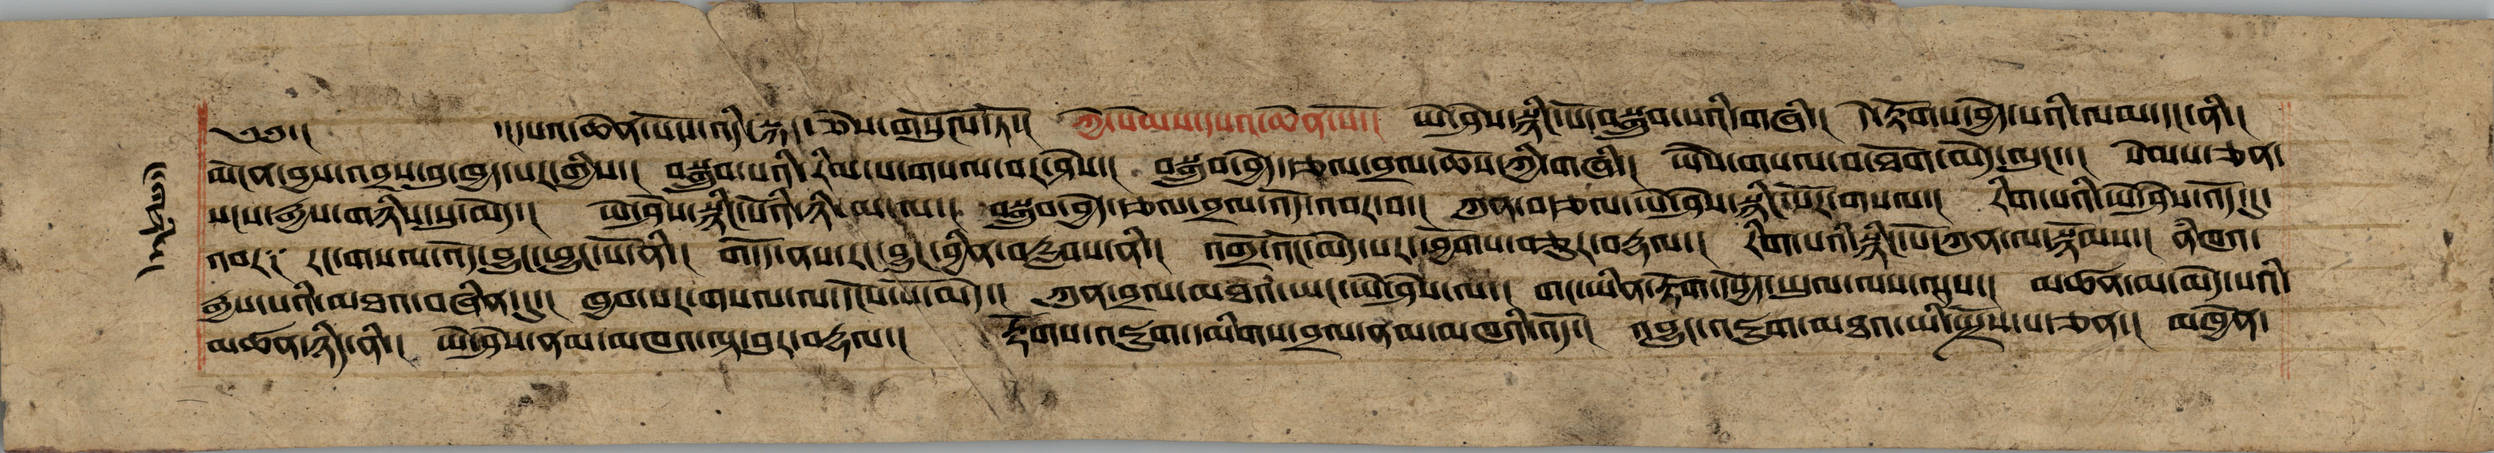༄༅་། ་།དཔའ་ཆེན་པོས་འདི་སྐད་ཅེས་གསུངས་ཏོ་། ཀྱེ་སེམས་དཔའ་ཆེན་པོ་། ཡེ་ཤེས་སྙིང་པོ་བསྒྲུབ་པའི་གཞི་། དེ་རྟོགས་བྱེད་པའི་ལམ་དང་ནི་།
མངོན་བྱས་འབྲས་བུ་ཁྱད་པར་གྱིས་། བསྒྲུབ་པའི་རིམ་པ་གསལ་བར་ཤེས་། བསྒྲུབ་བྱེད་རྩལ་བྲལ་ཆོས་ཀྱི་གཞི་། ཡཻས་གསལ་བ་ཐོག་མེད་ལུང་་། སེམས་ཅན་
སངས་རྒྱས་གཉིས་སུ་མེད་། ཡེ་ཤེས་སྙིང་པོའི་ཉི་མ་ལ་། བསྒྲུབ་བྱེད་རྩལ་བྲལ་འོད་འབར་བ་། ཀུན་བརྩལ་ཡེ་ཤེས་སྙིང་པོར་གསལ་། རིག་པའི་ཡེ་ཤེས་འོད་དུ་
འབར༑ རང་གསལ་འོད་བྱུང་ཕྱུང་པོ་ནི་། གདོད་ནས་རང་བྱུང་བྱིན་བརླབས་ནི་། འགྲོ་འོང་མེད་པར་ཕྱོགས་བཅུར་བརྡལ་། རིག་པའི་སྙིང་པོ་ཀུན་ལ་སྙོམས་། ནཾཁའ་
རྒྱས་པའི་མཐའ་བཞིན་དུ་། ཁྱབ་པར་གསལ་ལ་དངོས་པོ་མེད་། ཀུན་བྲལ་མཐའ་ཡང་ཡེ་ཤེས་ལ་། གང་ཡིན་རྟོག་དཔྱོད་ཡུལ་ལས་འདས་། མཚན་མ་མེད་པའི་
མཚན་ཉིད་ནི་། ཡེ་ཤེས་ནམ་མཁའ་ལྟ་བུར་བརྡལ་། རྟོགས་འཛུག་དམིགས་བྲལ་ནམ་མཁའི་འོད་། འབྱུང་འཇུག་མཐའ་ཡི་སྤྲོས་པ་ཅན་།། མཁྱེན་